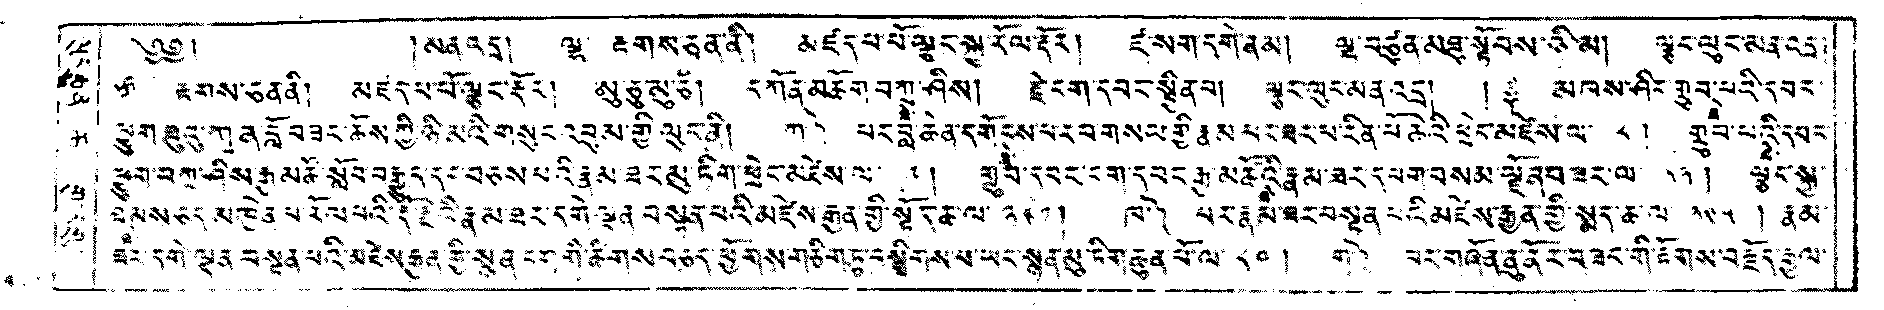༄༅། །མན་འདྲ། ལྷ་རྟགས་ཅན་ནི། མཛད་པ་པོ་ལྕང་སྐྱ་རོལ་རྡོར། ཛ་སག་དགེ་ནམ། ལྷ་བཙུན་མཐུ་སྟོབས་ཉི་མ། ལྕང་ལུང་མན་འདྲ།
~྾་རྟགས་ཅན་ནི། མཛད་པ་པོ་ལྕང་རྡོར། ཨུ་ཅུ་མུ་ཅི། དཀོན་མཆོག་བཀྲ་ཤིས། རྗེ་ངག་དབང་སྦྱིན་པ། ལྕང་ལུང་མན་འདྲ། །༈ མཁས་ཤིང་གྲུབ་པའི་དབང་
ཕྱུག་ཐུའུ་ཀྭན་བློ་བཟང་ཆོས་ཀྱི་ཉི་མའི་གསུང་འབུམ་གྱི་ལུང་ནི། ཀ྄་པར་བླ་ཐེ་ཆེན་དགོངས་པ་རབ་གསལ་གྱི་རྣམ་པར་ཐར་པ་རིན་པོ་ཆེའི་ཕྲེང་མཛེས་ལ ༨། གྲུབ་ཐ་པའི་དབང་
ཕྱུག་བཀྲ་ཤིས་རྒྱ་མཚོ་སློབ་བརྒྱུད་དང་བཅས་པའི་རྣམ་ཐར་མུ་ཏིག་ཕྲེང་མཛེས་ལ ༩། གྲུབ་ཐེ་དབང་ངག་དབང་རྒྱ་མཚོའི་རྣམ་ཐར་དཔག་བསམ་ལྗོན་བཟང་ལ ༥༢། ལྕང་ཐེ་སྐྱ་
ཐམས་ཅད་མཁྱེན་པ་རོལ་པའི་རྡོ་རྗེའི་རྣམ་ཐར་དགེ་ལྡན་བསྟན་པའི་མཛེས་རྒྱན་གྱི་སྟོད་ཆ་ལ ༢༤༡། ཁ྄་པར་རྣམ་ཐེ་ཐར་བསྟན་པའི་མཛེས་རྒྱན་གྱི་སྨད་ཆ་ལ ༢༤༥། རྣམ་
ཐར་ཐེ་དགེ་ལྡན་བསྟན་པའི་མཛེས་རྒྱན་གྱི་སྙན་ངག་གི་ཚིགས་བཅད་ཕྱོགས་གཅིག་ཏུ་བསྒྲིགས་པ་ཡང་སྙན་མུ་ཏིག་ཆུན་པོ་ལ ༨༠། ག྄་པར་གཞོན་ནུ་ནོར་བཟང་གི་རྟོགས་བརྗོད་རྒྱལ་